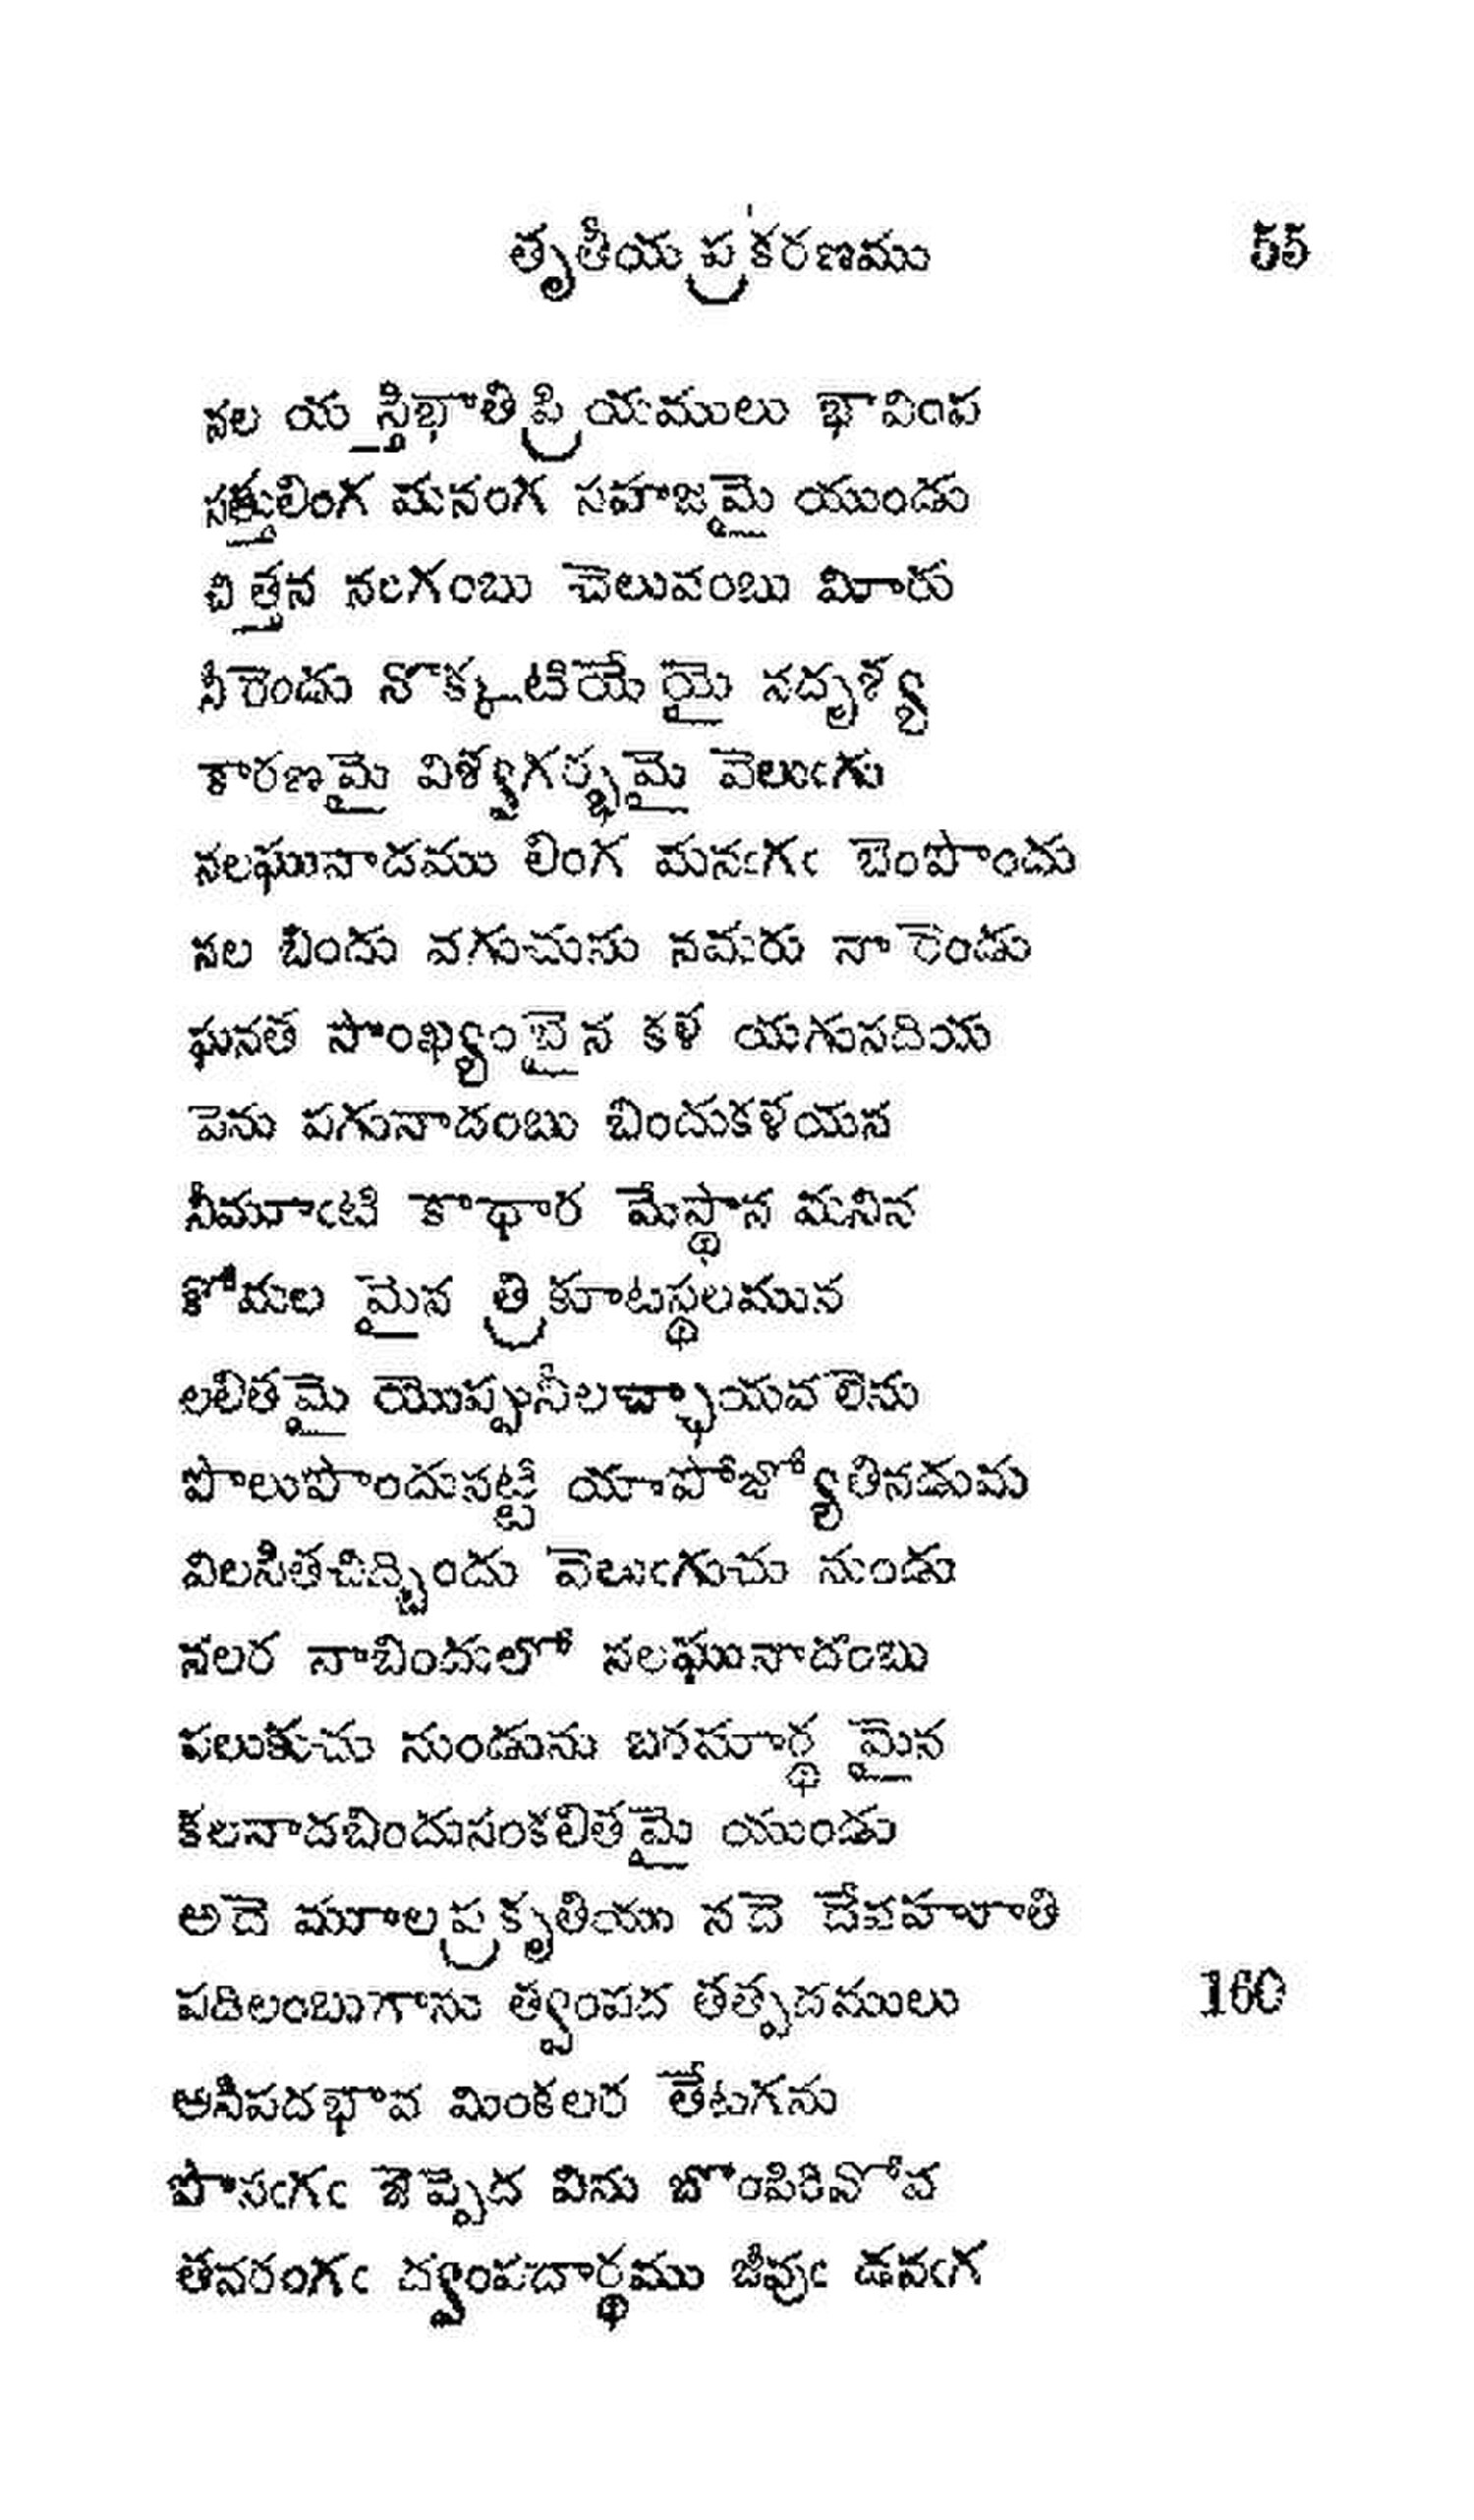నల యస్తిభాతిప్రియములు భావింప
సత్తులింగ మనంగ సహజమై యుండు
చిత్తన నంగంబు చెలువంబు మీరు
నీరెండు నొక్కటియే యై నదృశ్య
కారణమై విశ్వగర్భమై వెలుఁగు
నలఘునాదము లింగ మనఁగఁ బెంపొందు
నల బిందు వగుచును నమరు నా రెండు
ఘనత సాంఖ్యంబైన కళ యగునదియ
పెను పగునాదంబు బిందుకళయన
నీమూఁటి కాధార మేస్థాన మనిన
కోమల మైన త్రికూటస్థలమున
లలితమై యొప్పునీలచ్ఛాయవలెను
పొలుపొందునట్టి యాపోజ్యోతినడుమ
విలసితచిద్బిందు వెలుఁగుచు నుండు
నలర నాబిందులో నలఘునాదంబు
పలుకుచు నుండును బరమార్థ మైన
కలనాదబిందుసంకలితమై యుండు
అదె మూలప్రకృతియు నదె దేవహూతి
పదిలంబుగాను త్వంపద తత్పదములు 
అసిపదభావ మింకలర తేటగను
పొసఁగఁ జెప్పెద విను బొంపిరివోవ
తనరంగఁ ద్వంపదార్థము జీవుఁ డనఁగ